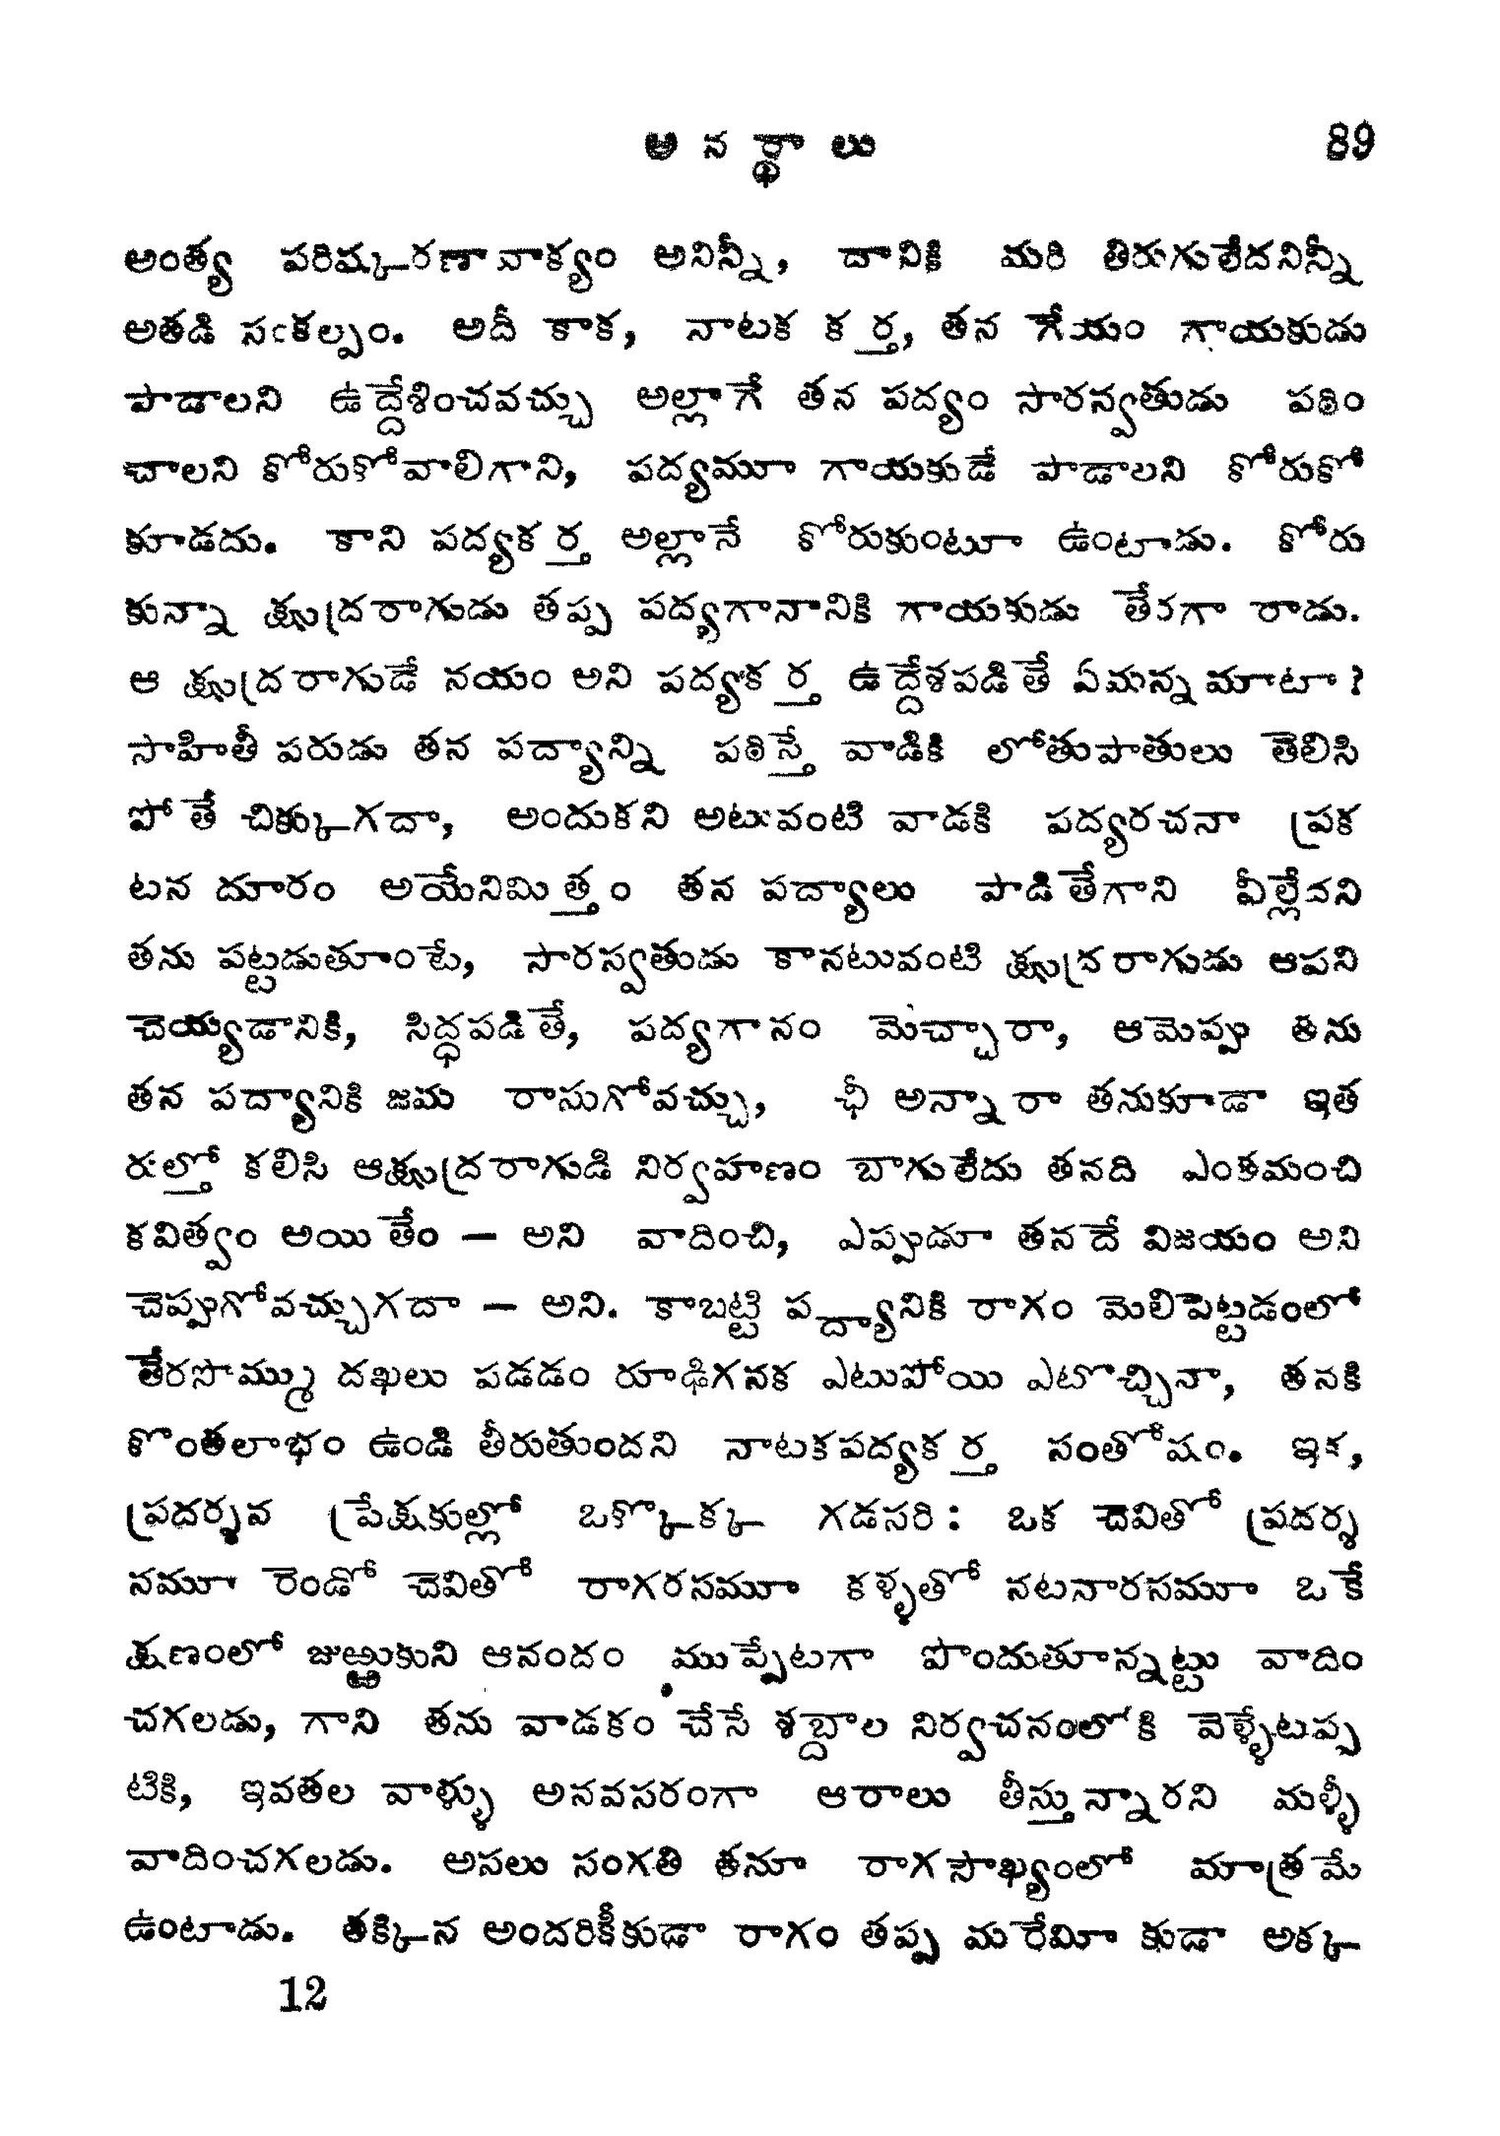అంత్య పరిష్కరణావాక్యం అనిన్నీ, దానికి మరి తిరుగులేదనిన్నీ
అతడి సంకల్పం. అదీ కాక, నాటక కర్త, తన గేయం గాయకుడు
పాడాలని ఉద్దేశించవచ్చు అల్లాగే తన పద్యం సారస్వతుడు పఠిం
చాలని కోరుకోవాలిగాని, పద్యమూ గాయకుడే పాడాలని కోరుకో
కూడదు. కాని పద్యకర్త అల్లానే కోరుకుంటూ ఉంటాడు. కోరు
కున్నా క్షుద్రరాగుడు తప్ప పద్యగానానికి గాయకుడు తేరగా రాడు.
ఆ క్షుద్రరాగుడే నయం అని పద్యకర్త ఉద్దేశపడితే ఏమన్నమాటా?
సాహితీ పరుడు తన పద్యాన్ని పఠిస్తే వాడికి లోతుపాతులు తెలిసి
పోతే చిక్కుగదా, అందుకని అటువంటి వాడకి పద్యరచనా ప్రక
టన దూరం అయేనిమిత్తం తన పద్యాలు పాడితేగాని వీల్లేదని
తను పట్టడుతూంటే, సారస్వతుడు కానటువంటి క్షుద్రరాగుడు ఆపని
చెయ్యడానికి, సిద్ధపడితే, పద్యగానం మెచ్చారా, ఆమెప్పు తను
తన పద్యానికి జమ రాసుగోవచ్చు, ఛీ అన్నారా తనుకూడా ఇత
రుల్తో కలిసి ఆక్షుద్రరాగుడి నిర్వహణం బాగులేదు తనది ఎంతమంచి
కవిత్వం అయితేం - అని వాదించి, ఎప్పుడూ తనదే విజయం అని
చెప్పుగోవచ్చుగదా - అని. కాబట్టి పద్యానికి రాగం మెలిపెట్టడంలో
తేరసొమ్ము దఖలు పడడం రూఢిగనక ఎటుపోయి ఎటొచ్చినా, తనకి
కొంతలాభం ఉండి తీరుతుందని నాటకపద్యకర్త సంతోషం. ఇక,
ప్రదర్శన ప్రేక్షకుల్లో ఒక్కొక్క గడసరి : ఒక చెవితో ప్రదర్శ
నమూ రెండో చెవితో రాగరసమూ కళ్ళతో నటనారసమూ ఒకే
క్షణంలో జుఱ్ఱుకుని ఆనందం ముప్పేటగా పొందుతూన్నట్టు వాదిం
చగలడు, గాని తను వాడకం చేసే శబ్దాల నిర్వచనంలోకి వెళ్ళేటప్ప
టికి, ఇవతల వాళ్ళు అనవసరంగా ఆరాలు తీస్తున్నారని మళ్ళీ
వాదించగలడు. అసలు సంగతి తనూ రాగసౌఖ్యంలో మాత్రమే
ఉంటాడు. తక్కిన అందరికీకుడా రాగం తప్ప మరేమీ కుడా అక్క